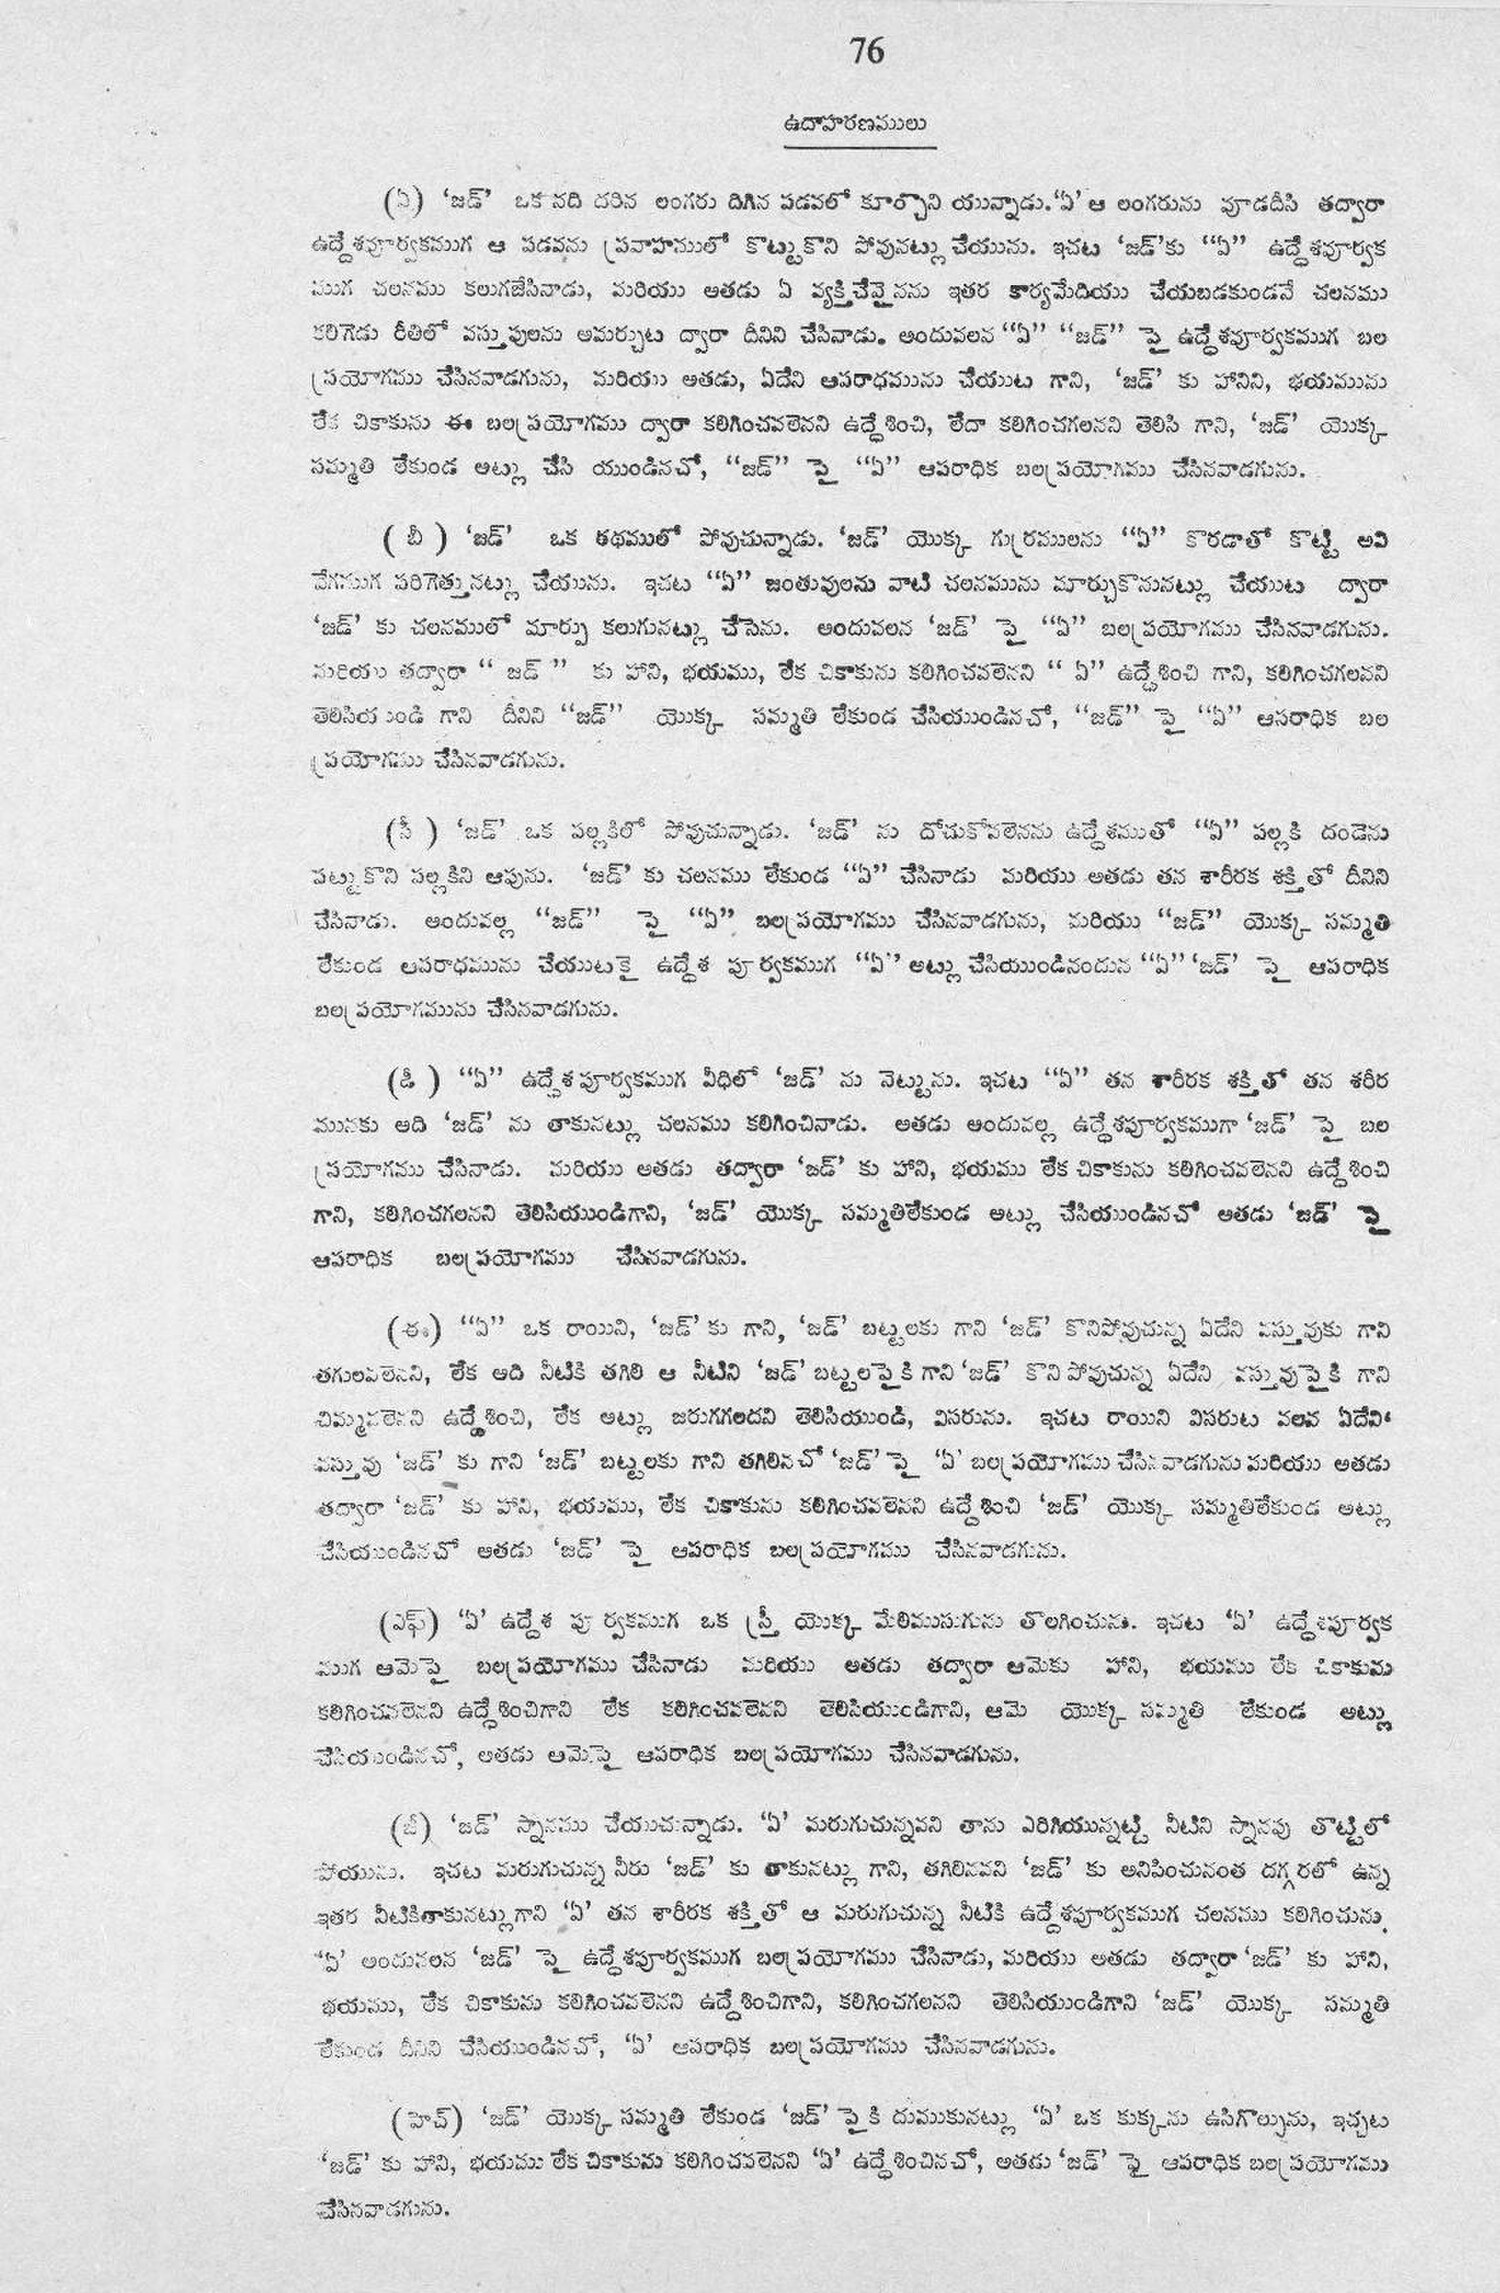(5) 'జడ్' ఒక నది దరిన లంగరు దిగిన పడవలో కూర్చొని యున్నాడు. 'ఏ' ఆ లంగరును వూడదీసి తద్వారా ఉద్దేశపూర్వకముగ ఆ పడవను ప్రవాహములో కొట్టుకొని పోవునట్లు చేయును. ఇచట 'జడ్'కు “ఏ” ఉద్దేశపూర్వకముగ చలనము కలుగజేసినాడు, మరియు అతడు ఏ వ్యక్తి చేనై నను ఇతర కార్యమేదియు చేయబడకుండనే చలనము కలిగెడు రీతిలో వస్తుపులను అమర్చుట ద్వారా దీనిని చేసినాడు. అందువలన “ఏ” “జడ్” పై ఉద్దేశపూర్వకముగ బలప్రయోగము చేసినవాడగును, మరియు అతడు, ఏదేని అపరాధమును చేయుట గాని, 'జడ్' కు హానిని, భయమును లేక చికాకును ఈ బలప్రయోగము ద్వారా కలిగించవలెనని ఉద్దేశించి, లేదా కలిగించగలనని తెలిసి గాని, 'జడ్' యొక్క సమ్మతి లేకుండ అట్లు చేసి యుండినచో, “జడ్” పై “ఏ” అపరాధిక బలప్రయోగము చేసినవాడగును.

(బీ) 'జడ్' ఒక రథములో పోవుచున్నాడు. 'జడ్' యొక్క గుర్రములను “ఏ” కొరడాతో కొట్టి అవి వేగముగ పరిగెత్తునట్లు చేయును. ఇచట “ఏ” జంతువులను వాటి చలనమును మార్చుకొనునట్లు చేయుట ద్వారా 'జడ్' కు చలనములో మార్పు కలుగునట్లు చేసెను. అందువలన 'జడ్' పై “ఏ” బలప్రయోగము చేసినవాడగును మరియు తద్వారా " జడ్" కు హాని, భయము, లేక చికాకును కలిగించవలెనని " ఏ ” ఉద్దేశించి గాని, కలిగించగలనని తెలిసియుండి గాని దీనిని “జడ్” యొక్క సమ్మతి లేకుండ చేసియుండినచో, “జడ్” పై “ఏ" అపరాధిక బలప్రయోగము చేసినవాడగును.

(సీ ) 'జడ్' ఒక పల్లకిలో పోవుచున్నాడు. 'జడ్' ను దోచుకోనవలెనను ఉద్దేశముతో "ఏ” పల్లకి దండెను పట్టు కొని పల్లకిని ఆపును. 'జడ్' కు చలనము లేకుండ “ఏ” చేసినాడు మరియు అతడు తన శారీరక శక్తి తో దీనిని చేసినాడు. అందువల్ల "జడ్ పై “ఏ” బలప్రయోగము చేసినవాడగును, మరియు “జడ్” యొక్క సమ్మతి లేకుండ అపరాధమును చేయుటకై ఉద్దేశ పూర్వకముగ "ఏ" అట్లు
చేసియుండినందున “ఏ" 'జడ్' పై అపరాధిక బలప్రయోగమును చేసినవాడగును.

(డీ) “ఏ” ఉద్దేశ పూర్వకముగ వీధిలో 'జడ్' ను నెట్టును. ఇచట “ఏ” తన శారీరక శక్తి తో తన శరీరమునకు అది 'జడ్' ను తాకునట్లు చలనము కలిగించినాడు. అతడు అందువల్ల ఉద్దేశపూర్వకముగా 'జడ్' పై బలప్రయోగము చేసినాడు. మరియు అతడు. తద్వారా 'జడ్' కు హాని, భయము లేక చికాకును కలిగించవలెనని ఉద్దేశించి గాని, కలిగించగలనని తెలిసియుండిగాని, 'జడ్' యొక్క సమ్మతి లేకుండ అట్లు చేసియుండినచో అతడు 'జడ్' పై అపరాధిక బలప్రయోగము చేసినవాడగును.

(ఈ) "ఏ" ఒక రాయిని, 'జడ్' కు గాని, 'జడ్' బట్టలకు గాని 'జడ్' కొనిపోవుచున్న ఏదేని వస్తువుకు గాని తగులవలెనని, లేక అది నీటికి తగిలి ఆ నీటిని 'జడ్' బట్టల పై కి గాని 'జడ్' కొని పోవుచున్న ఏదేని వస్తువు పైకి గాని చిమ్మవలెనని ఉద్దేశించి, లేక అట్లు జరుగగలదని తెలిసియుండి, విసరును. ఇచట రాయిని విసరుట వలవ ఏదేని వస్తువు 'జడ్' కు గాని 'జడ్' బట్టలకు గాని తగిలిన చో 'జడ్' పై 'ఏ' బలప్రయోగము చేసిన వాడగును మరియు అతడు తద్వారా 'జడ్' కు హాని, భయము, లేక చికాకును కలిగించవలెనని ఉద్దేశించి 'జడ్' యొక్క సమ్మతి లేకుండ అట్లు చేసియుండినచో అతడు. 'జడ్' పై అపరాధిక బల ప్రయోగము చేసిన వాడగును.

(ఎఫ్) 'ఏ' ఉద్దేశ పూర్వకముగ ఒక స్త్రీ యొక్క మేలిముసుగును తొలగించును. ఇచట 'ఏ' ఉద్దేశపూర్వకముగ ఆమె పై బలప్రయోగము చేసినాడు మరియు అతడు తద్వారా ఆమెకు హాని, భయము లేక చికాకును కలిగించవలెనని ఉద్దేశించిగాని లేక కలిగించవలెనని తెలిసియుండిగాని, ఆమె యొక్క సమ్మతి లేకుండ అట్లు చేసియుండిన చో, అతడు ఆమె పై అపరాధిక బల ప్రయోగము చేసినవాడగును,

(జీ) 'జడ్' స్నానము చేయుచున్నాడు. 'ఏ' మరుగుచున్నవని తాను ఎరిగియున్నట్టి నీటిని స్నానపు తొట్టిలో పోయును. ఇచట మరుగుచున్న నీరు 'జడ్' కు తాకునట్లు గాని, తగిలినవని 'జడ్' కు అనిపించునంత దగ్గరలో ఉన్న ఇతర నీటికి తాకునట్లు గాని 'ఏ' తన శారీరక శక్తి తో ఆ మరుగుచున్న నీటికి ఉద్దేశపూర్వకముగ చలనము కలిగించును.'ఏ' అందువలన 'జడ్' పై ఉద్దేశపూర్వకముగ బల ప్రయోగము చేసినాడు, మరియు అతడు తద్వారా 'జడ్' కు హాని, భయము, లేక చికాకును కలిగించవలెనని ఉద్దేశించిగాని, కలిగించగలనని తెలిసియుండిగాని 'జడ్' యొక్క సమ్మతి లేకుండ దీనిని చేసియుండినచో, 'ఏ' అపరాధిక బల ప్రయోగము చేసినవాడగును.

(హెచ్) 'జడ్' యొక్క సమ్మతి లేకుండ 'జడ్' పై కి దుముకునట్లు 'ఏ' ఒక కుక్కను ఉసిగొల్పును, ఇచ్చట 'జడ్' కు హాని, భయము లేక చికాకును కలిగించవలెనని 'ఏ' ఉద్ధేశించినచో, అతడు 'జడ్' ఫై అపరాధిక బల ప్రయోగము చేసినవాడగును.